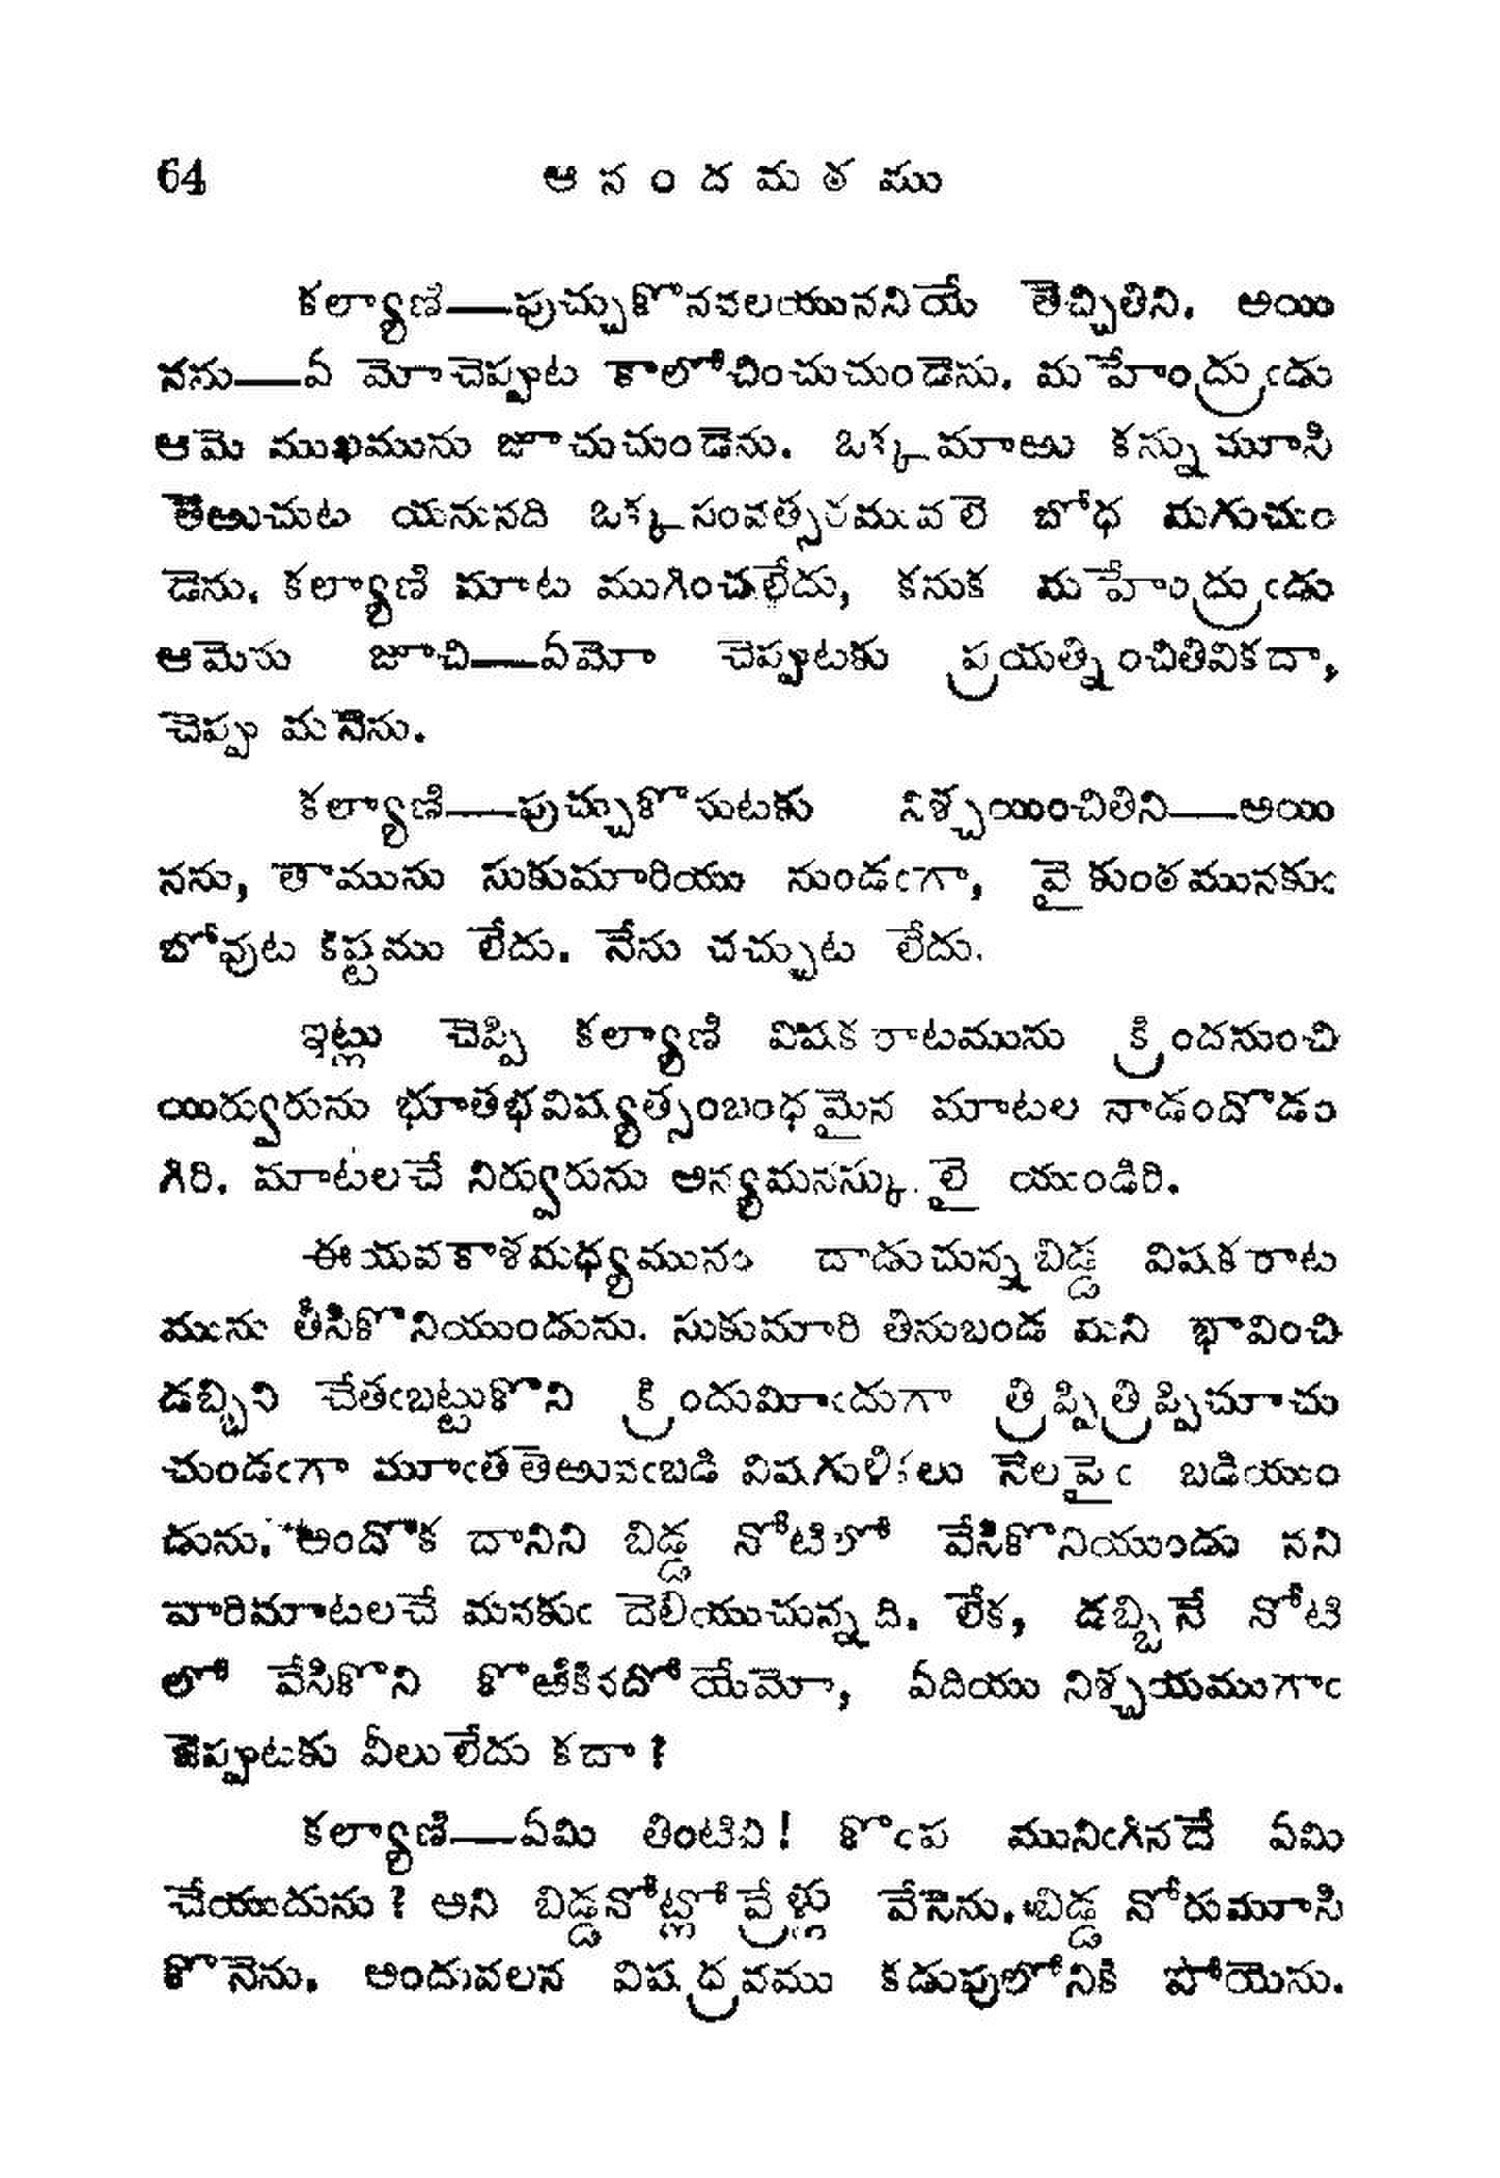కల్యాణి—— పుచ్చుకొనవలయుననియే తెచ్చితిని. అయినను——ఏమోచెప్పుట కాలోచించుచుండెను. మహేంద్రుఁడు ఆమె ముఖమును జూచుచుండెను. ఒక్కమాఱు కన్ను మూసి తెఱుచుట యనునది ఒక్క సంవత్సరమువలె బోధ మగుచుండెను, కల్యాణి మాట ముగించలేదు, కనుక మహేంద్రుఁడు ఆమెను జూచి——ఏమో చెప్పుటకు ప్రయత్నించితివికదా, చెప్పు మనెను.

కల్యాణి —— పుచ్చుకొనుటకు నిశ్చయించితిని—— అయినను, తామును సుకుమారియు నుండఁగా, వైకుంఠమునకుఁ బోవుట కష్టము లేదు. నేను చచ్చుట లేదు.

ఇట్లు చెప్పి కల్యాణి విషకరాటమును క్రిందనుంచి యిర్వురును భూతభవిష్యత్సంబంధమైన మాటల నాడందోడంగిరి. మాటలచే నిర్వురును అన్యమనస్కులై యుండిరి.

ఈయవకాశ మధ్యమునం దాడుచున్న బిడ్డ విషకరాటమును తీసికొనియుండును. సుకుమారి తినుబండమని భావించి డబ్బిని చేతఁబట్టుకొని క్రిందుమీఁదుగా త్రిప్పి త్రిప్పిచూచుచుండఁగా మూఁత తెఱువఁబడి విషగుళికలు నేలపైఁ బడియుండును, అందొక దానిని బిడ్డ నోటిలో వేసికొనియుండు నని వారిమాటలచే మనకుఁ దెలియుచున్నది. 'లేక, డబ్బినే నోటిలో వేసికొని కోఱికి నదో యేమో, ఏదియు నిశ్చయముగాఁ జెప్పుటకు వీలు లేదు కదా !

కల్యాణి —— ఏమి తింటివి ! కొంప మునిఁగినదే ఏమీ చేయుదును ? అని బిడ్డనోట్లో వ్రేళ్ళు వేసెను. బిడ్డ నోరుమూసి కొనెను. అందువలన విష ద్రవము కడుపులోనికి పోయెను.